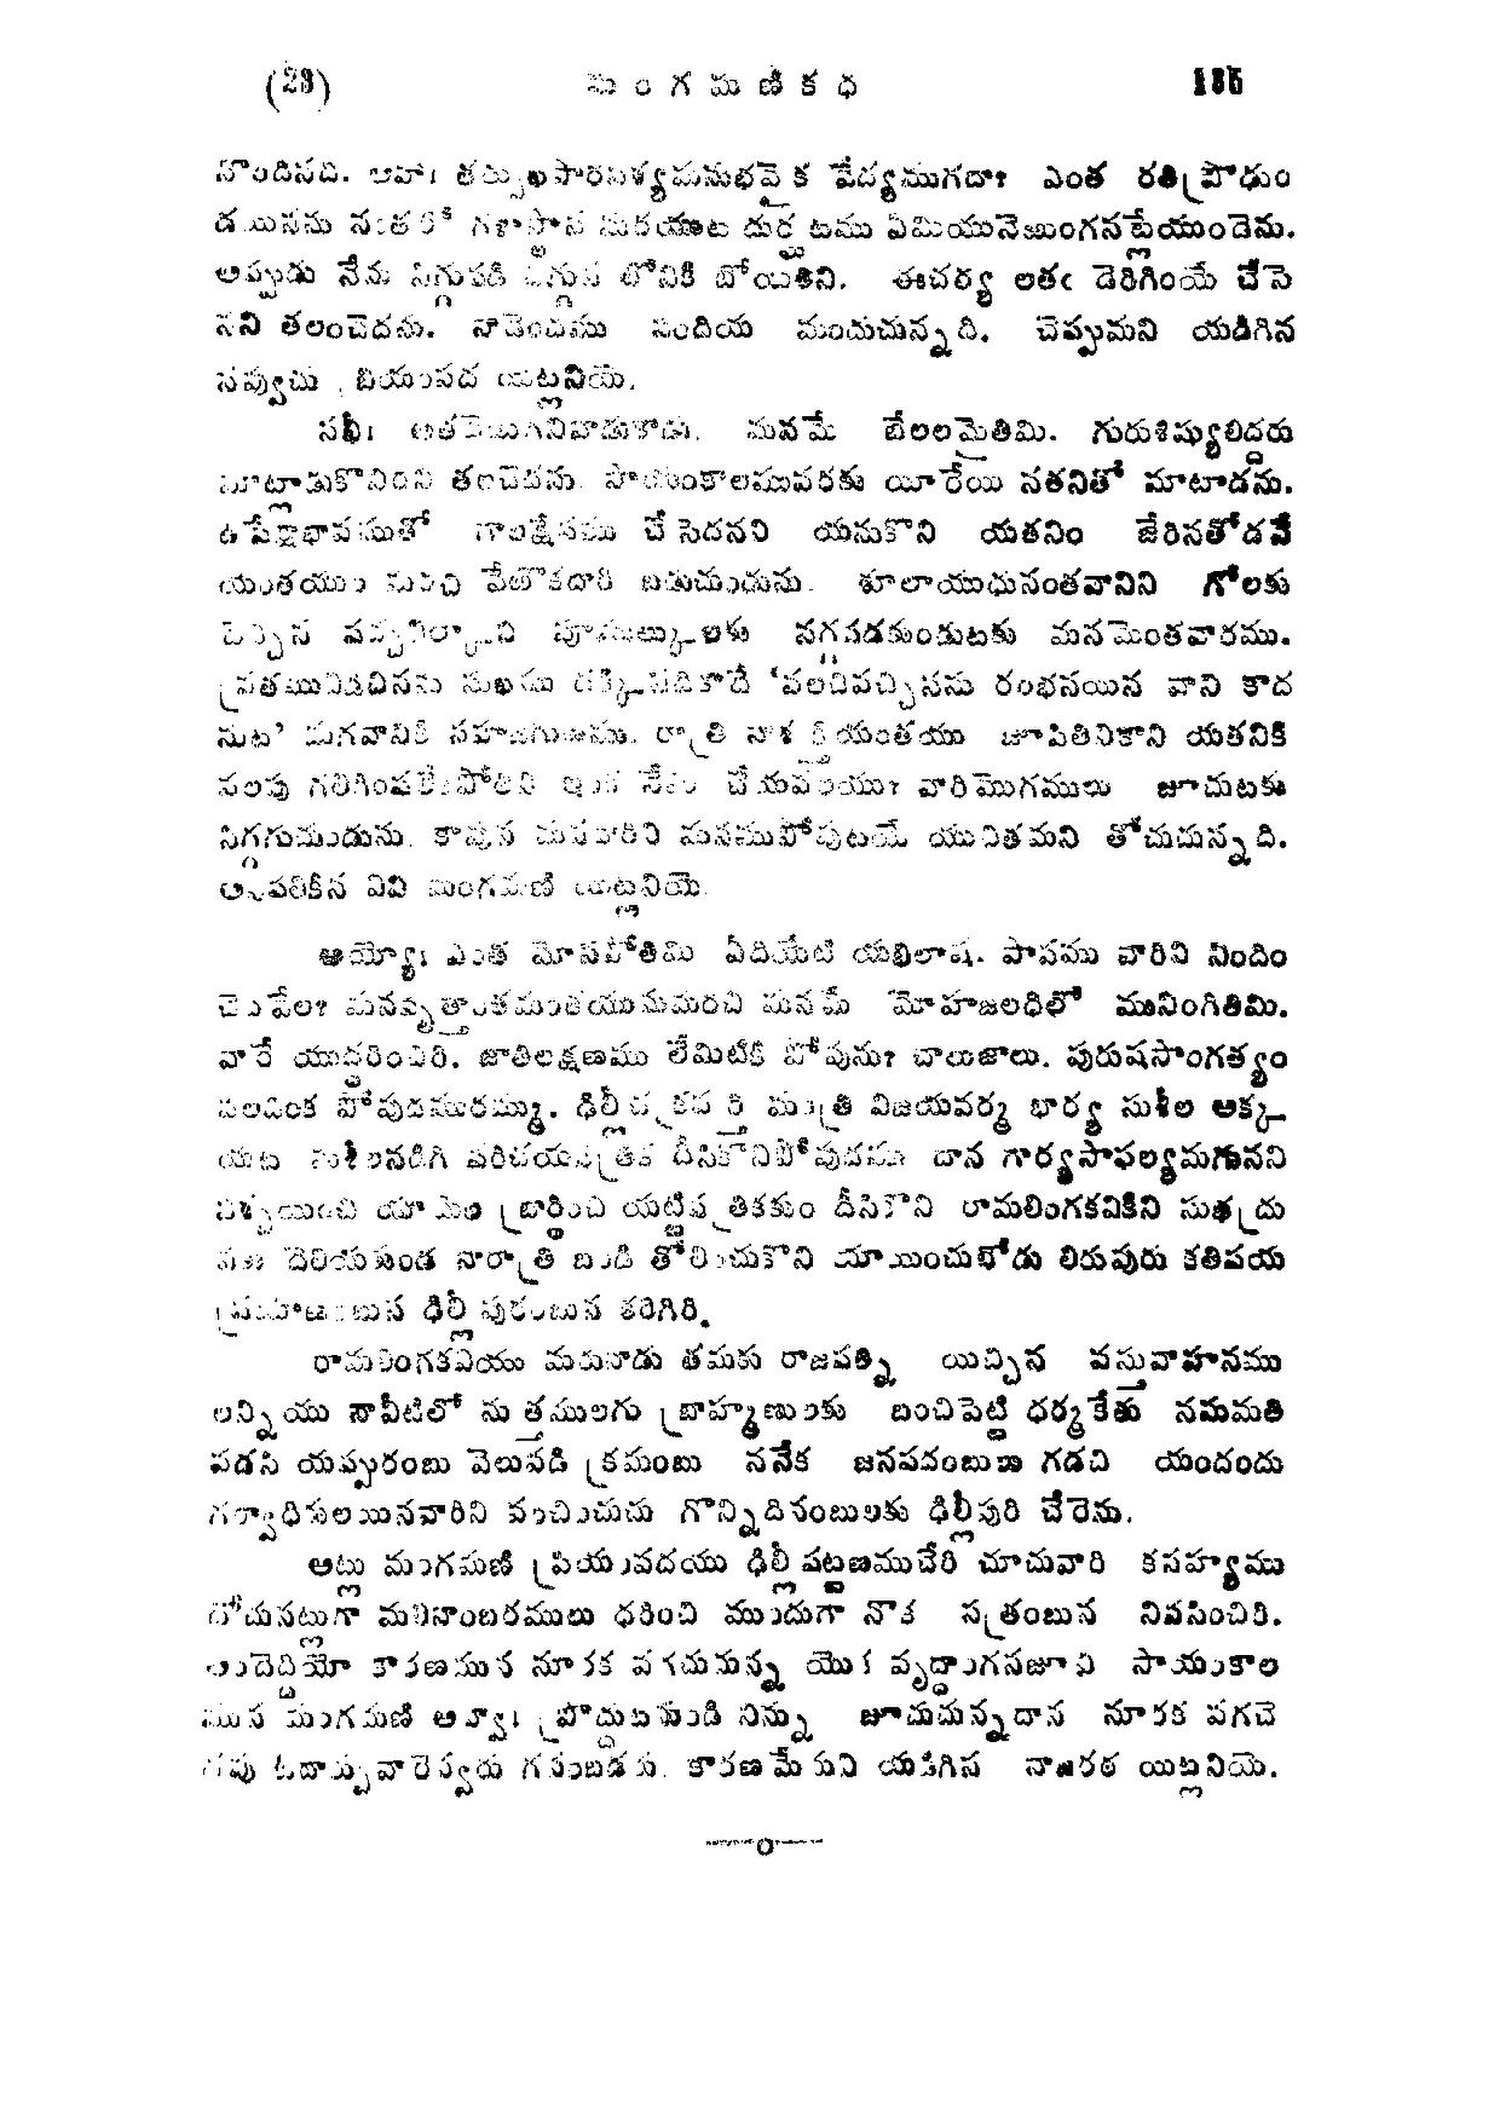నొందినది. ఆహా! తత్సుఖపారవశ్య మనుభవైకవేద్యముగదా? ఎంత రతిప్రౌఢుండయినను నంతలో గళాస్థాన మరయుట దుర్ఘటము ఏమియు నెఱుంగనట్లేయుండెను. అప్పుడు నేను సిగ్గుపడి డగ్గున లోనికి బోయితిని. ఈచర్య లతఁ డెరిగింయే చేసెనని తలంచెదను. నాడెందము సందియ మందుచున్నది. చెప్పుమని యడిగిన నవ్వుచు బ్రియంవద యిట్లనియె.

సఖీ ! అతడెఱుగనివాడుకాడు. మనమే బేలలమైతిమి. గురుశిష్యులిద్దరు మాట్లాడుకొనిరని తలంచెదను. సాయంకాలమువరకు యీ రేయి నతనితో మాటాడను. ఉపేక్షభావముతో గాలక్షేపము చేసెదనని యనుకొని యతనిం జేరినతోడనే యంతయుం మరచి వేఱొకదారి బడుచుండును. శూలాయుధునంతవానిని గోలకు దెచ్చిన పచ్చనివిల్కాని పూముల్కులకు నగ్గపడకుండుటకు మనమెంతవారము. వ్రతమువిడిచినను సుఖము దక్కినదికాదే 'వలచివచ్చిసను రంభనయిన వాని కాదనుట' మగవానికి సహజగుణము. రాత్రి నాశక్తియంతయు జూపితినికాని యతనికి వలపు గలిగింపలేకపోతిని. ఇంక నేమి చేయవలయు? వారిమొగములు జూచుటకు సిగ్గగుచుండును. కావున మనదారిని మనముపోవుటయే యుచితమని తోచుచున్నది. అనిపలికిన విని మంగమణి యిట్లనియె.

అయ్యో! ఎంత మోసపోతిమి ఏదియేటి యఖిలాష. పాపము వారిని నిందించెదవేల? మనవృత్తాంత మంతయును మరచి మనమే మోహజలధిలో మునింగితిమి. వారే యుద్దరించిరి. జాతిలక్షణము లేమిటికి పోవును? చాలుజాలు. పురుషసాంగత్యం వలదింక పోవుదమురమ్ము. ఢిల్లీచక్రవర్తి మంత్రి విజయవర్మ భార్య సుశీల అక్కయట సుశీల నడిగి పరిచయపత్రిక దీసికొనిపోవుదము దాన గార్యసాఫల్యమగునని నిశ్చయించి యామెం బ్రార్థించి యట్టిపత్రికకుం దీసికొని రామలింగకవికిని సుభద్రునకు దెలియకుండ నారాత్రి బండి తోలించుకొని యాయించుబోడు లిరువురు కతిపయప్రయాణంబున ఢిల్లీపురంబున కరిగిరి.

రామలింగకవియు మరునాడు తమకు రాజపత్ని యిచ్చిన వస్తువాహనములన్నియు నావీటిలో నుత్తములగు బ్రాహ్మణులకు బంచిపెట్టి ధర్మకేతు నమమతి వడసి యప్పురంబు వెలువడి క్రమంబు ననేక జనపదంబులు గడచి యందందు గర్వాధికులయినవారిని వంచించుచు గొన్నిదినంబులకు ఢిల్లీపురి చేరెను.

అట్లు మంగమణి ప్రియంవదయు ఢిల్లీపట్టణము చేరి చూచువారి కసహ్యము దోచునట్లుగా మలినాంబరములు ధరించి ముందుగా నొకసత్రంబున నివసించిరి. అందెద్దియో కారణమున నూరక వగచుచున్న యొక వృద్దాంగన జూచి సాయంకాలమున మంగమణి అవ్వా! ప్రొద్దుటనుండి నిన్ను జూచుచున్నదాన నూరక వగచెదవు ఓదార్చువారెవ్వరు గనంబడరు కారణమేమని యడిగిన నాజరఠ యిట్లనియె.